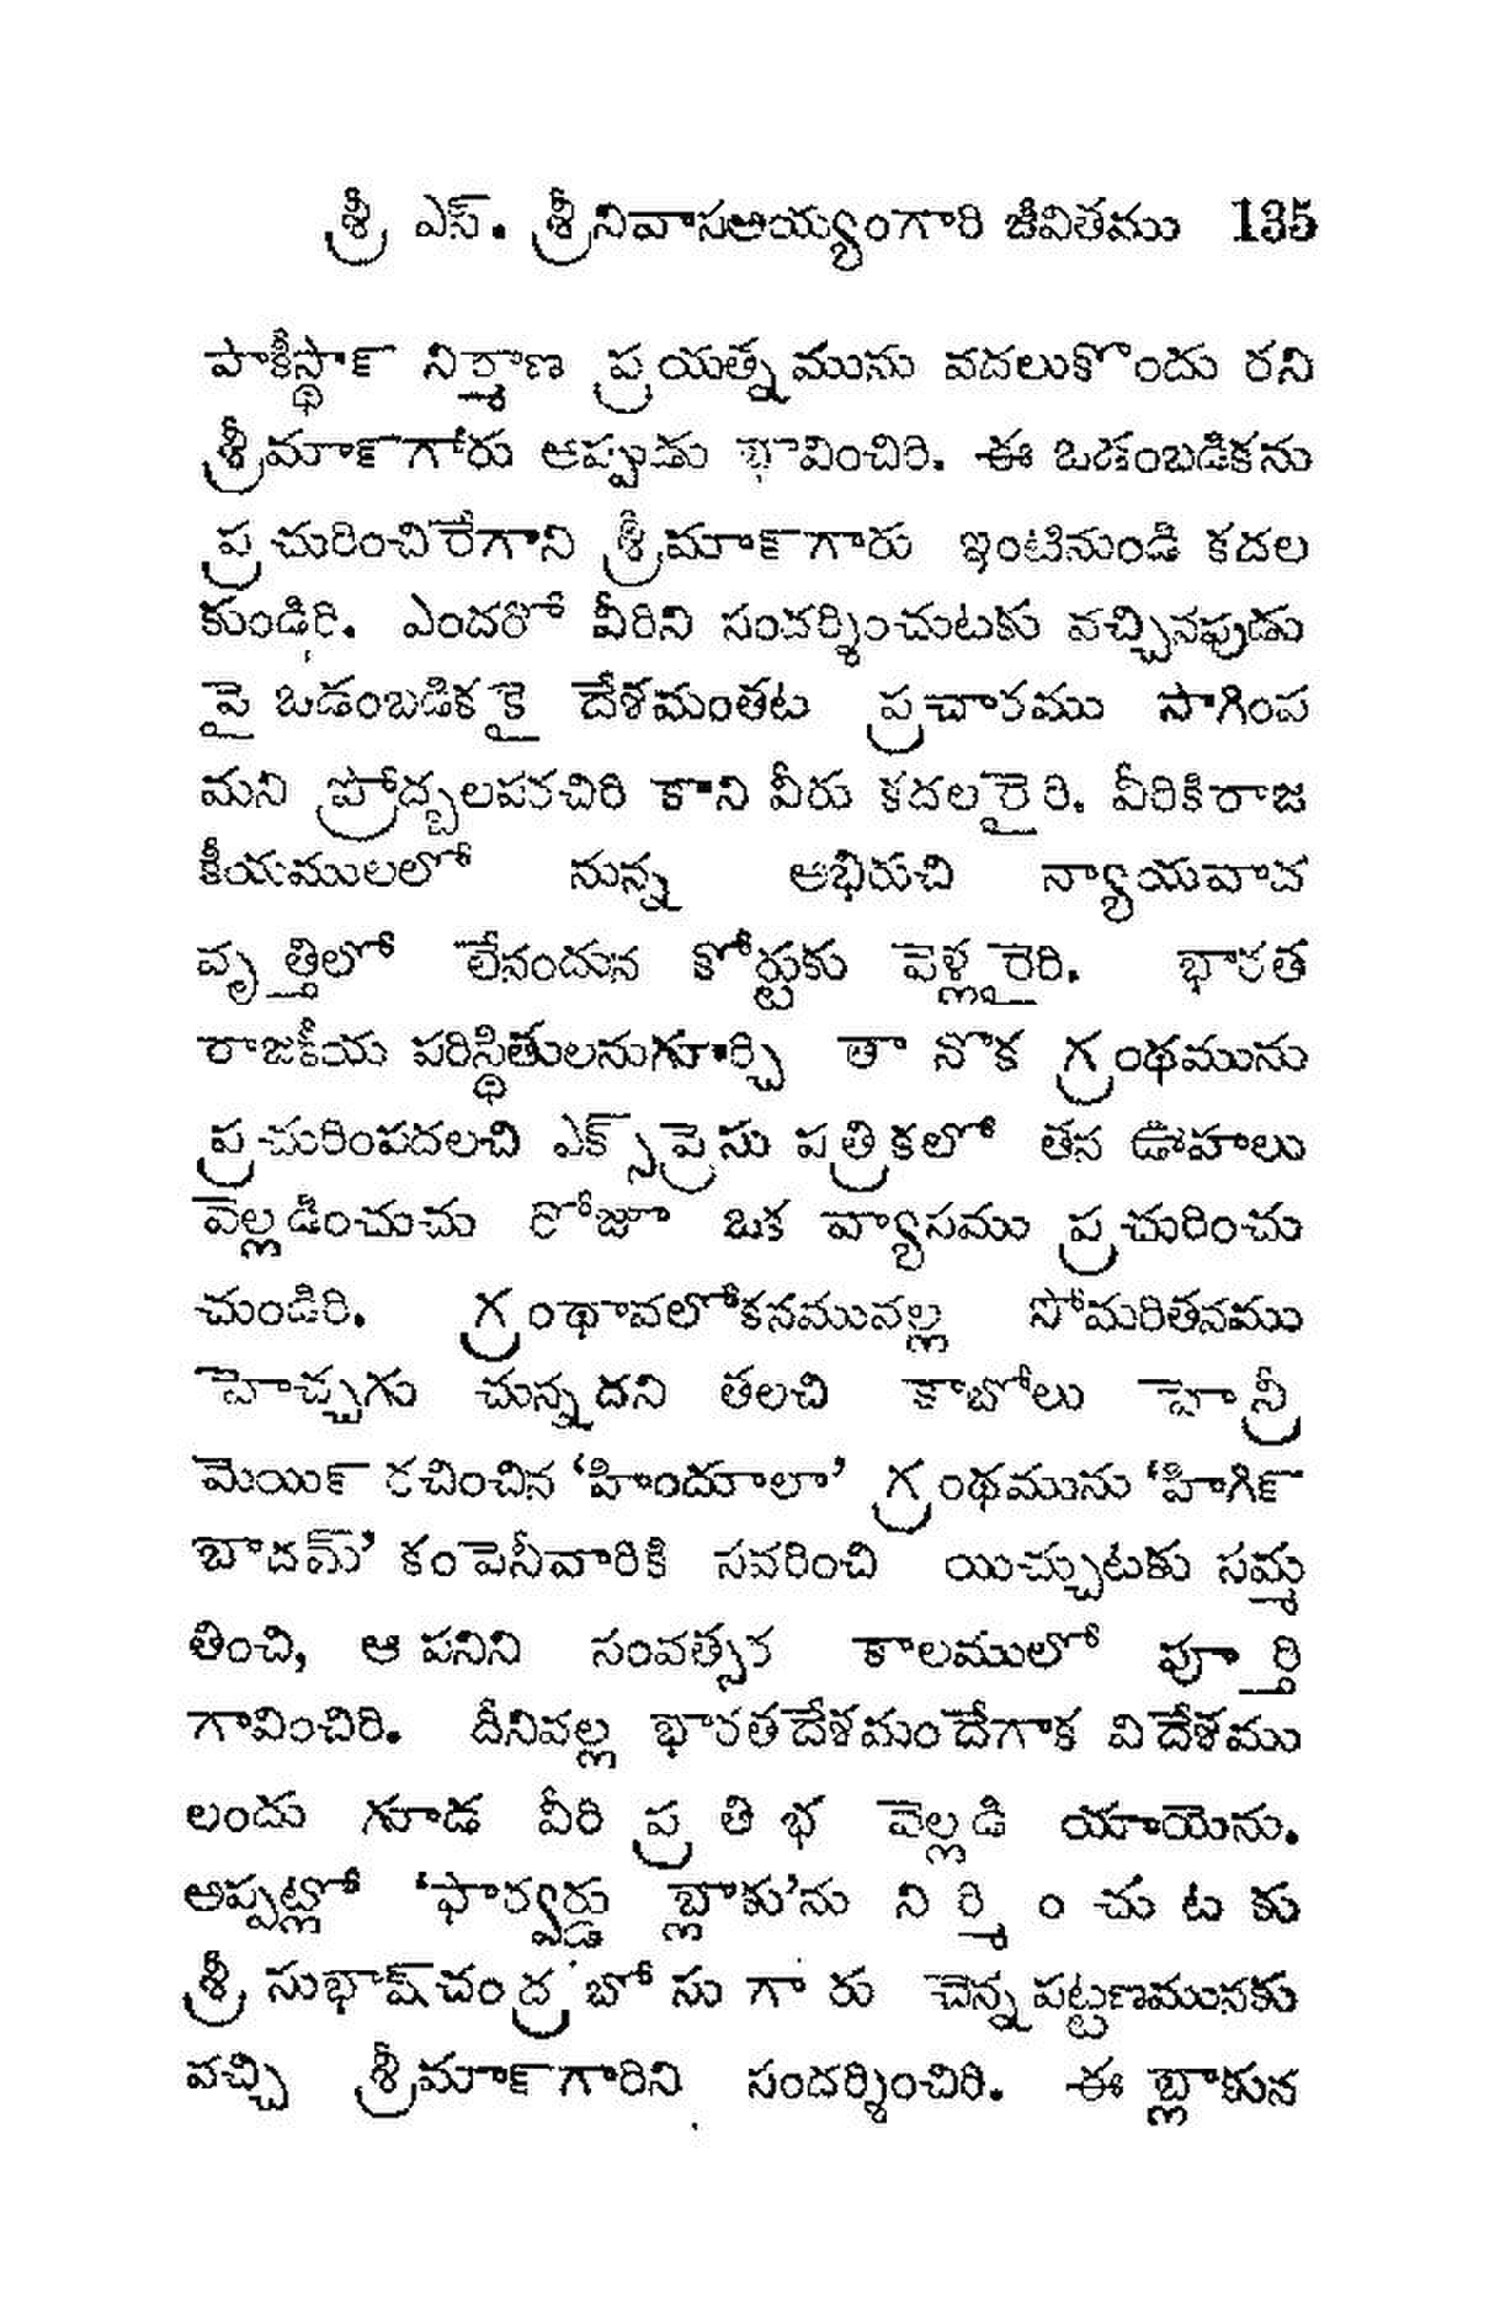పాకిస్థా౯ నిర్మాణ ప్రయత్నమును వదలుకొందు రని శ్రీమా౯గారు అప్పుడు భావించిరి. ఈ ఒడంబడికను ప్రచురించిరేగాని శ్రీమా౯గారు ఇంటినుండి కదలకుండిరి. ఎందరో వీరిని సందర్శించుటకు వచ్చినపుడు పై ఒడంబడికకై దేశమంతట ప్రచారము సాగింపమని ప్రోద్బలపరచిరి కాని వీరు కదలరైరి. వీరికిరాజకీయములలో నున్న అభిరుచి న్యాయవాదవృత్తిలో లేనందున కోర్టుకు వెళ్లరైరి. భారతరాజకీయ పరిస్థితులనుగూర్చి తానొక గ్రంథమును ప్రచురింపదలచి ఎక్స్‌ప్రెసు పత్రికలో తన ఊహలు వెల్లడించుచు రోజూ ఒక వ్యాసము ప్రచురించుచుండిరి. గ్రంథావలోకనమువల్ల సోమరితనము హెచ్చగు చున్నదని తలచి కాబోలు హెన్రీ మెయి౯ రచించిన 'హిందూలా' గ్రంథమును 'హిగి౯ బాదమ్' కంపెనీవారికి సవరించి యిచ్చుటకు సమ్మతించి, ఆ పనిని సంవత్సర కాలములో పూర్తిగావించిరి. దీనివల్ల భారతదేశమందేగాక విదేశములందు గూడ వీరి ప్రతిభ వెల్లడి యాయెను. అప్పట్లో 'ఫార్వర్డు బ్లాకు'ను నిర్మించుటకు శ్రీ సుభాష్‌చంద్రబోసుగారు చెన్నపట్టణమునకు వచ్చి శ్రీమా౯గారిని సందర్శించిరి. ఈ బ్లాకున